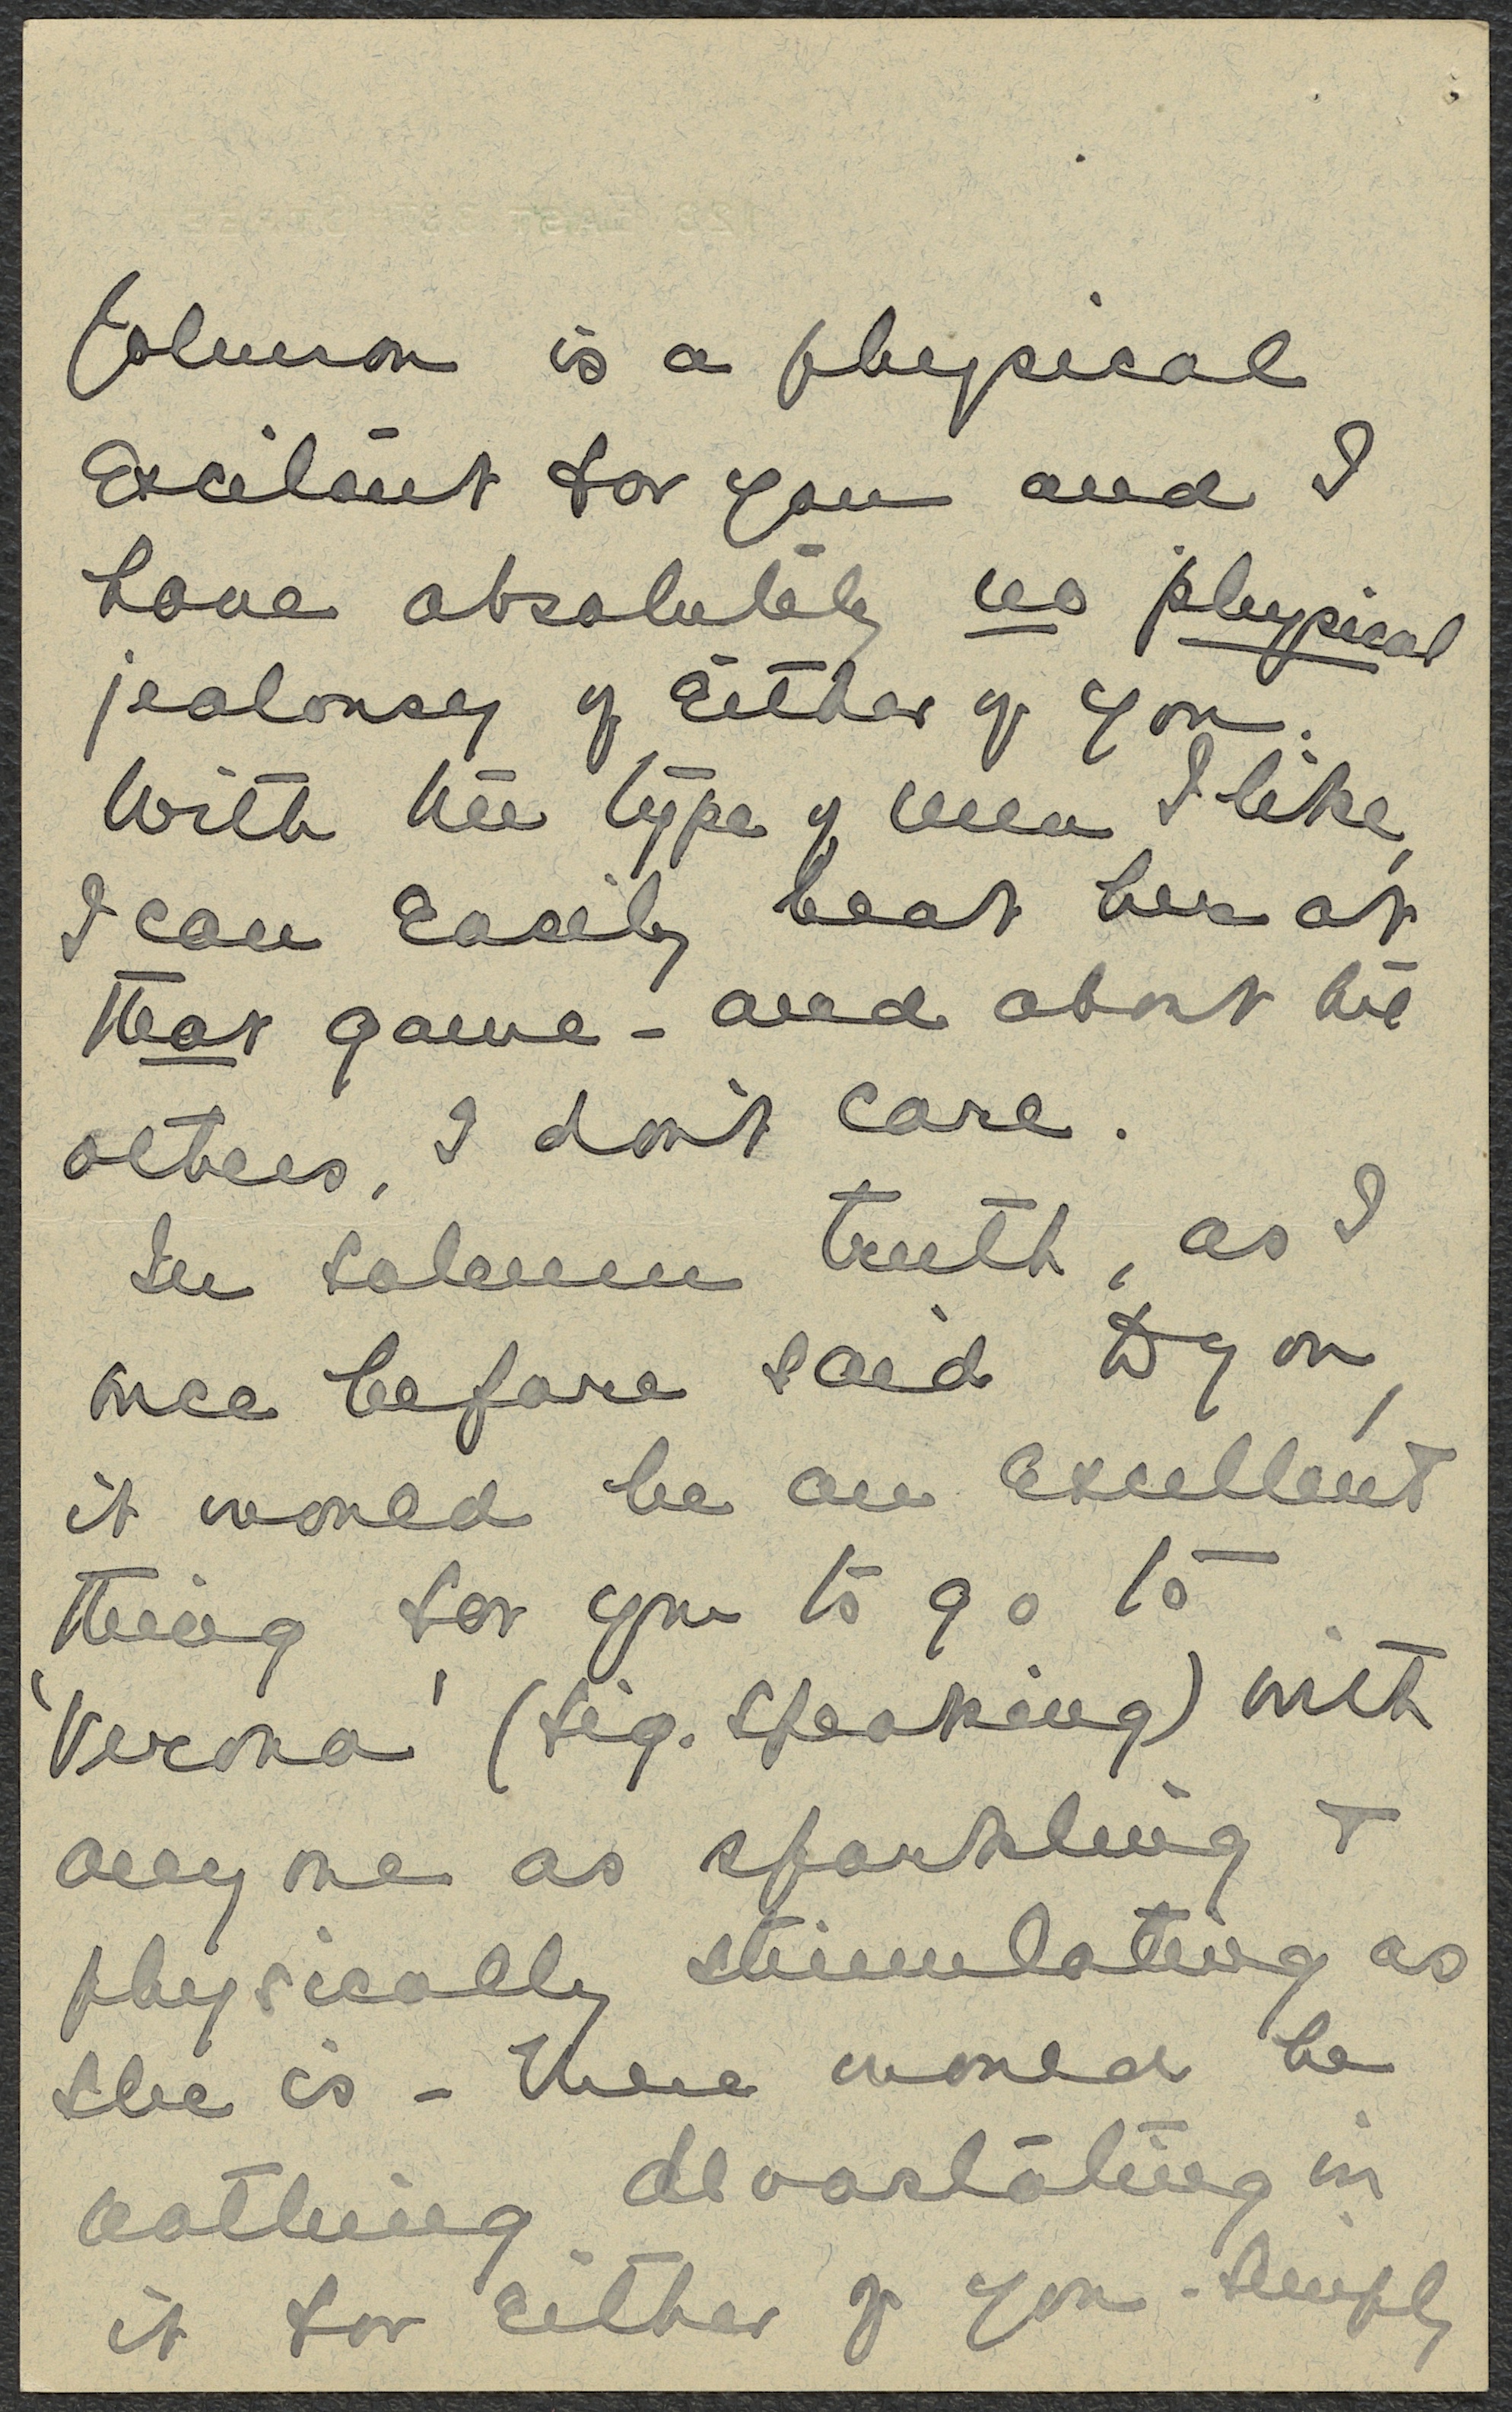Johnson is a physical excitant for you and I have absolutely no physical jealousy of either of you. With the type of men I like, I can easily beat her at that game – and about the others, I don’t care.
In solemn truth, as I once before said to you, it would be an excellent thing for you to go to ‘Verona’ (fig. speaking) with anyone as sparkling & physically stimulating as she is – There would be nothing devastating in it for either of you – simply